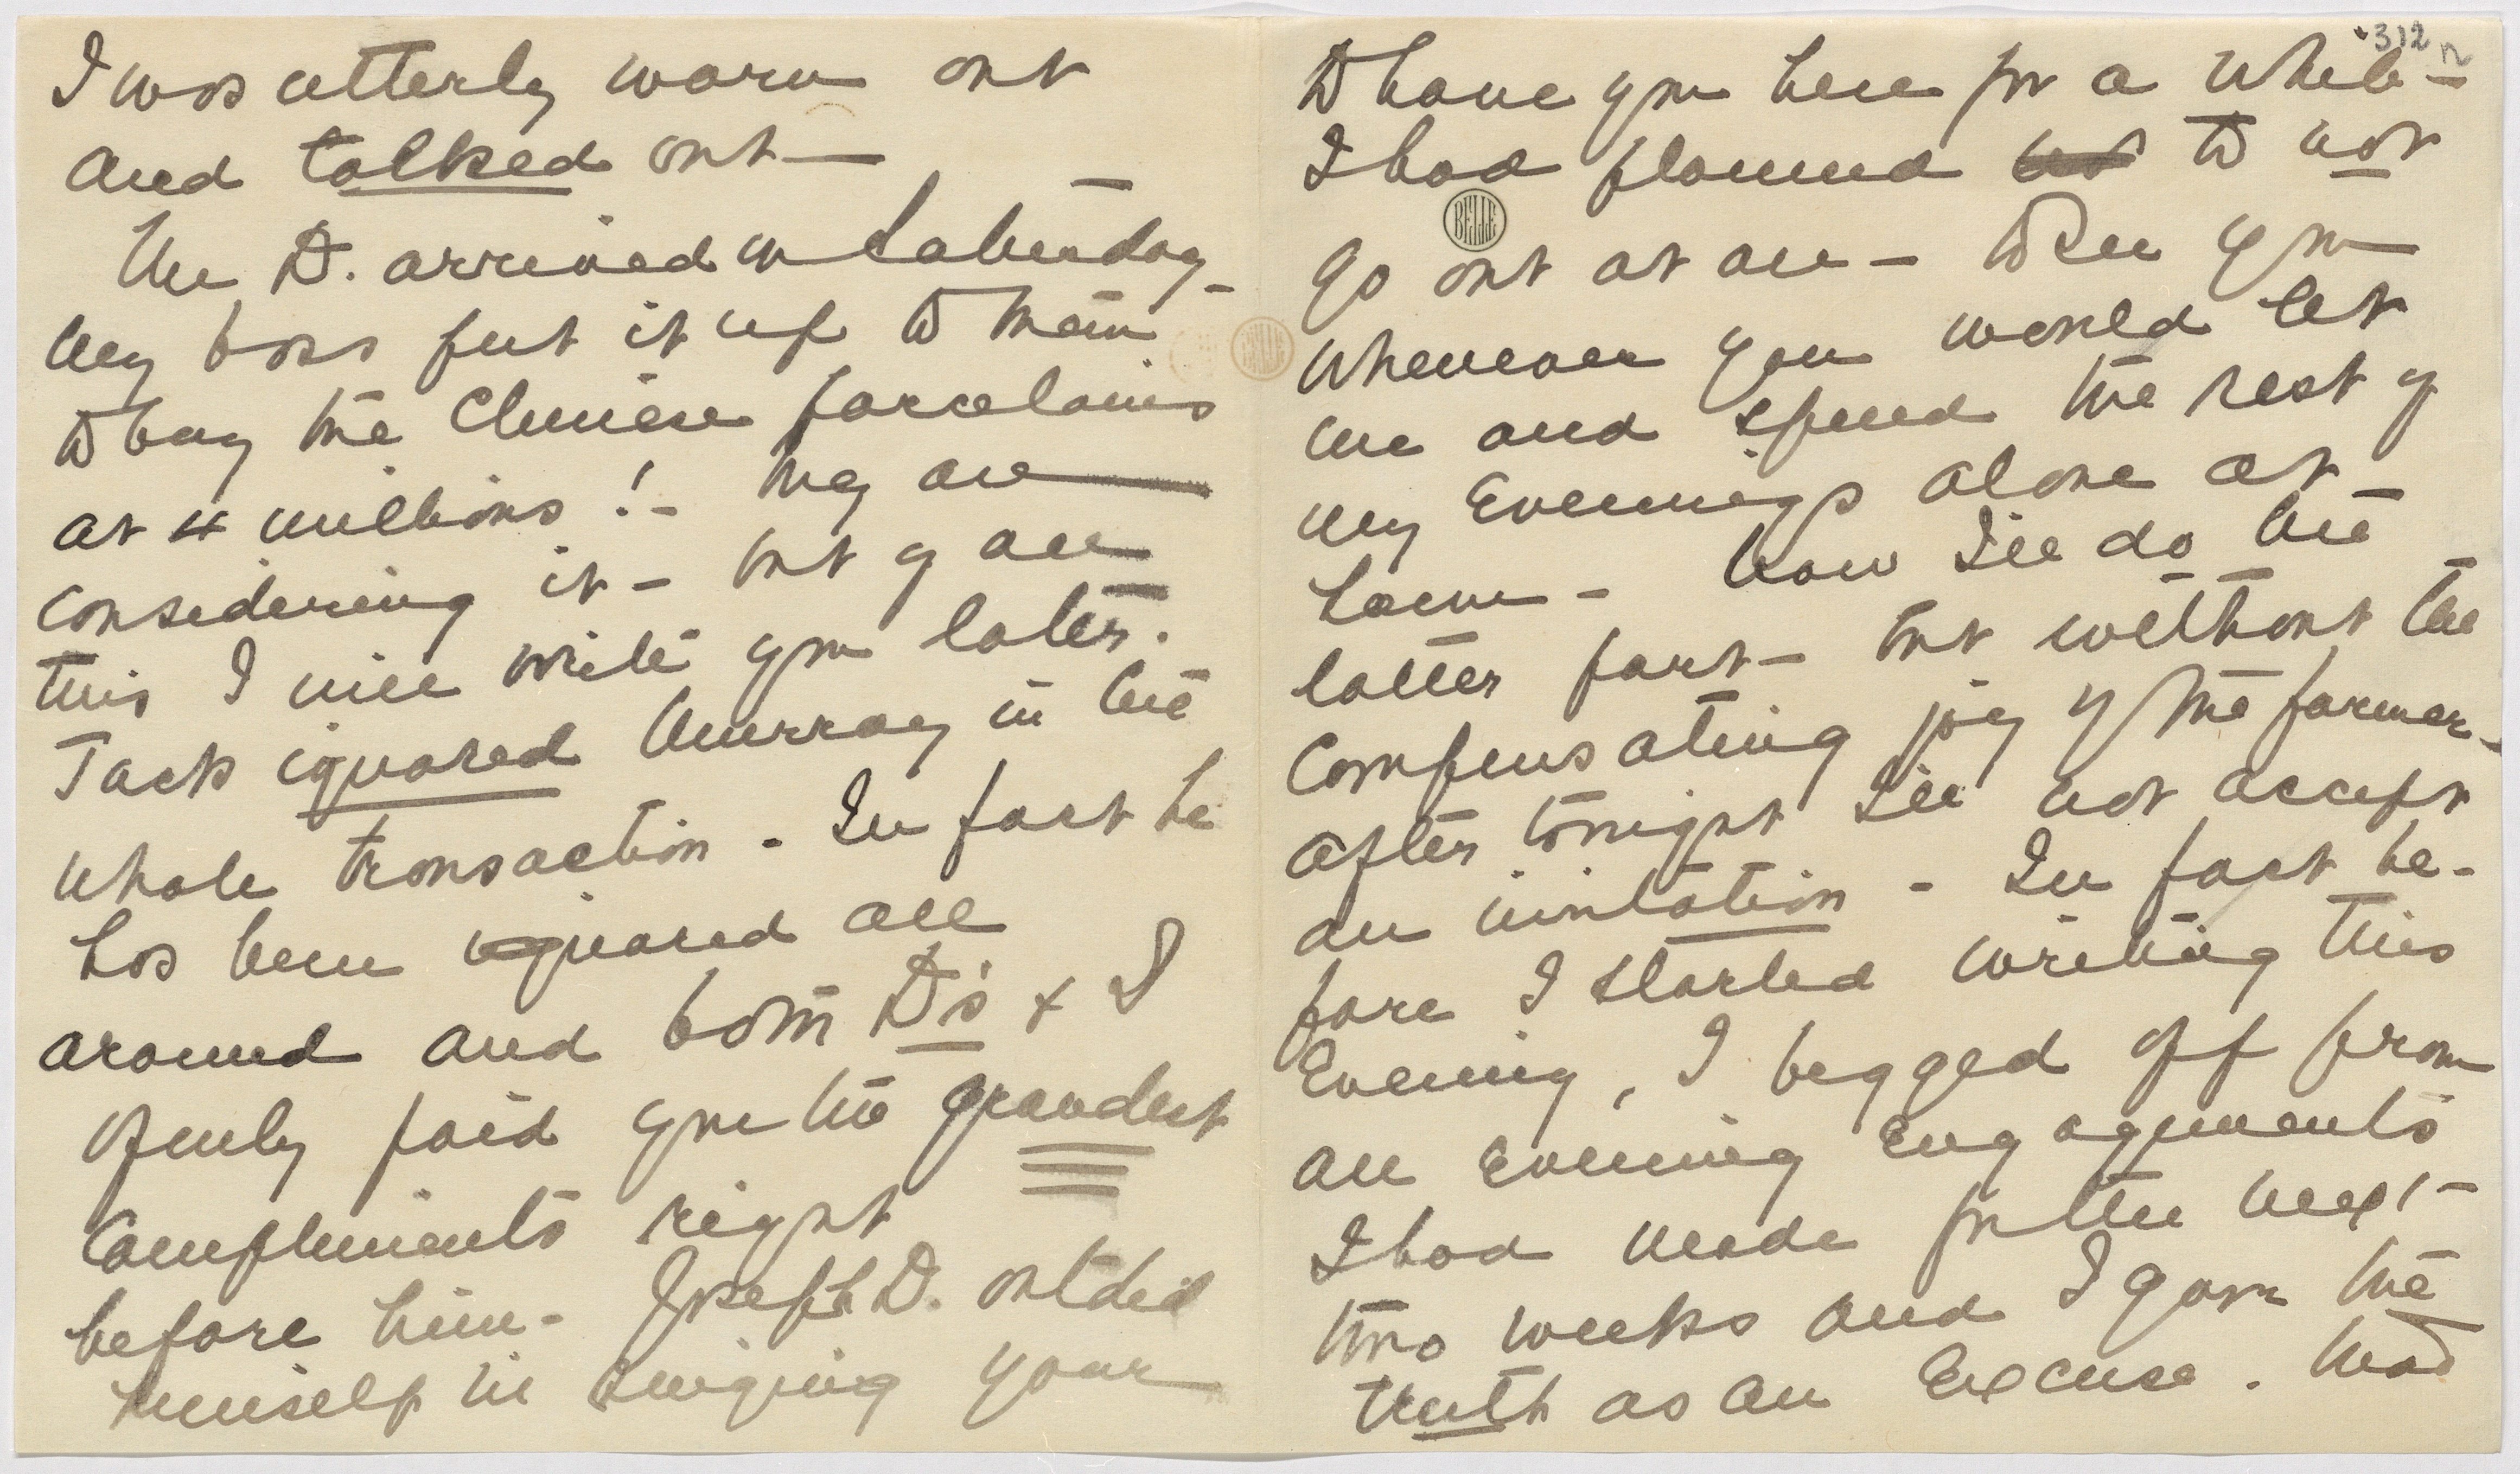to have you here for a while – I had planned not to not go out at all – to see you whenever you would let me and spend the rest of my evenings alone at home – Now I’ll do the latter part – but without the compensating joy of the former – After tonight I’ll not accept an invitation – In fact before I started writing this evening, I begged off from all evening engagements I had made for the next two weeks and I gave the truth as an excuse – that
I was utterly worn out and talked out –
The D. arrived on Saturday – My boss put it up to them to buy the Chinese porcelains at 4 millions! – They are considering it – but of all this I will write you later. Jack ignored Murray in the whole transaction – In fact he has been ignored all around had both D's & I openly paid you the [triple underlined: grandest] compliments right before him – Joseph D. outdid himself in singing your